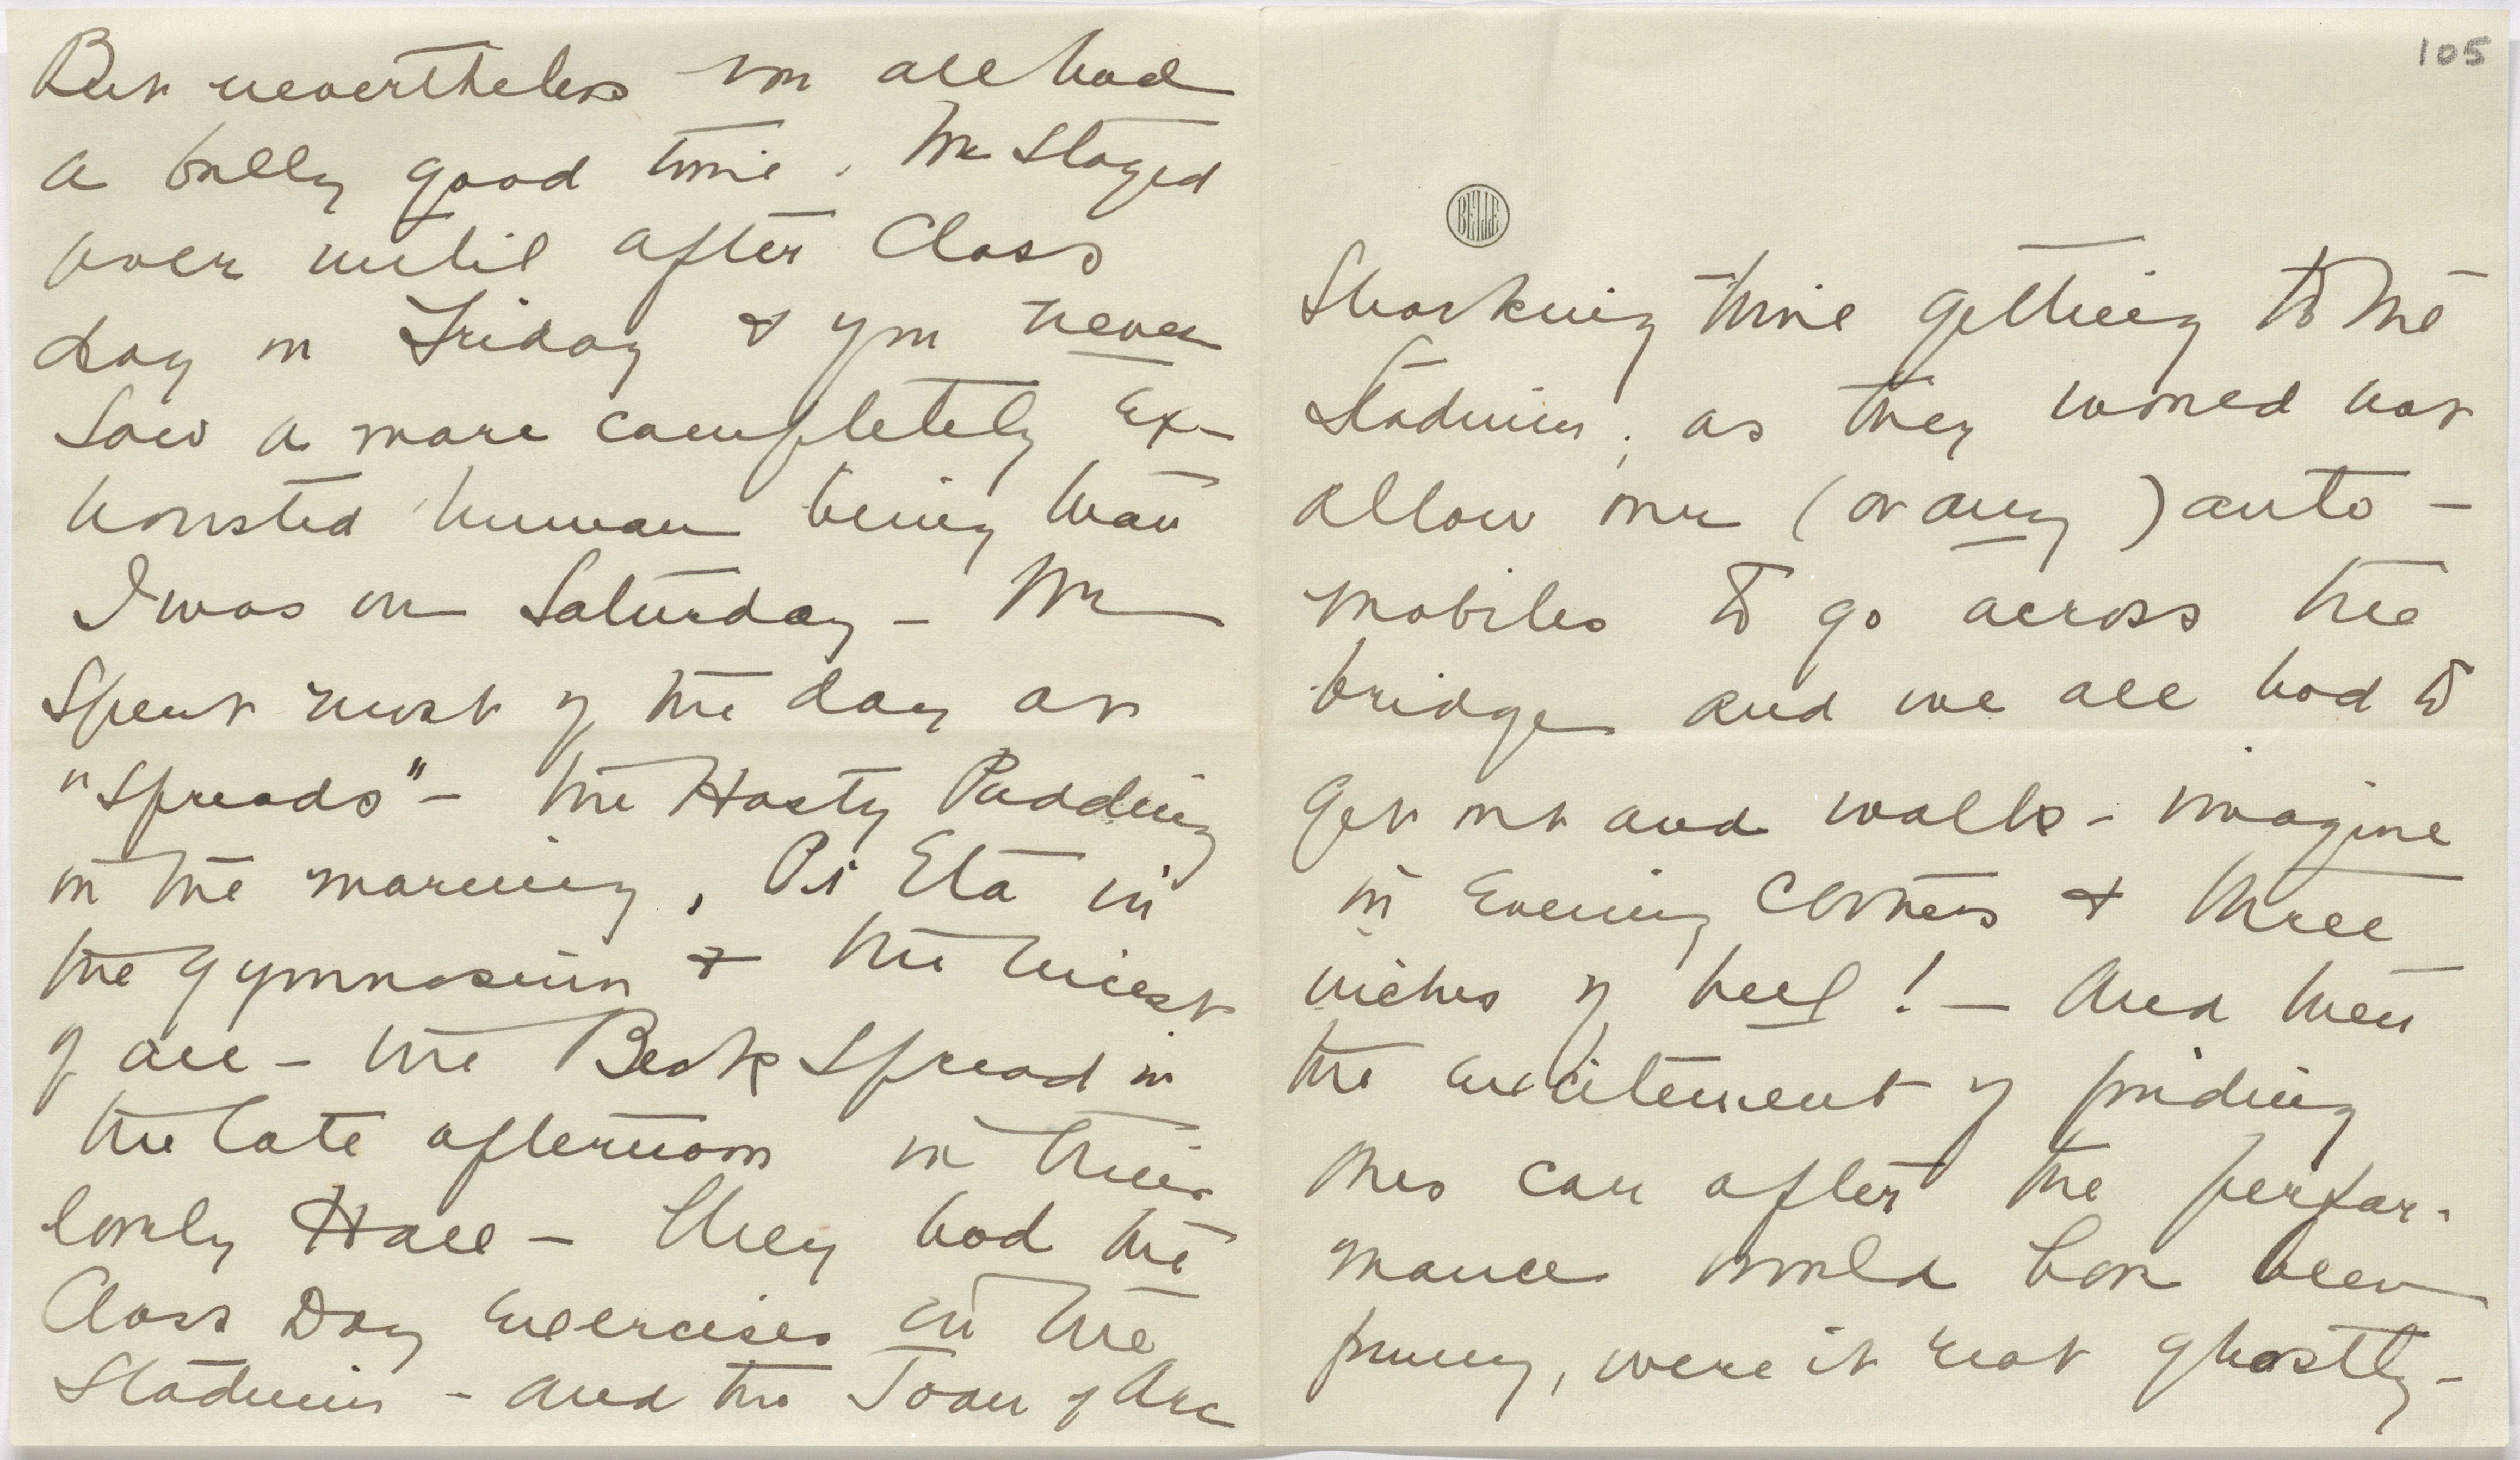shocking time getting to the Stadium; as they would not allow our (or any) automobiles to go across the bridge and we all had to get out and walk – imagine in evening clothes & three inches of heel! – And then the excitement of finding ones car after the performance would have been funny, were it not ghastly –
But nevertheless we all had a bally good time, we stayed over until after class day on Friday & you never saw a more completely exhausted human being than I was on Saturday – We spent most of the day at “spreads” – the Hasty Pudding in the morning, Pi Eta in the gymnasium & the nicest of all – the Book Spread in the late afternoon in their lovely Hall – They had the Class Day exercises in the stadium – and the Joan of Arc